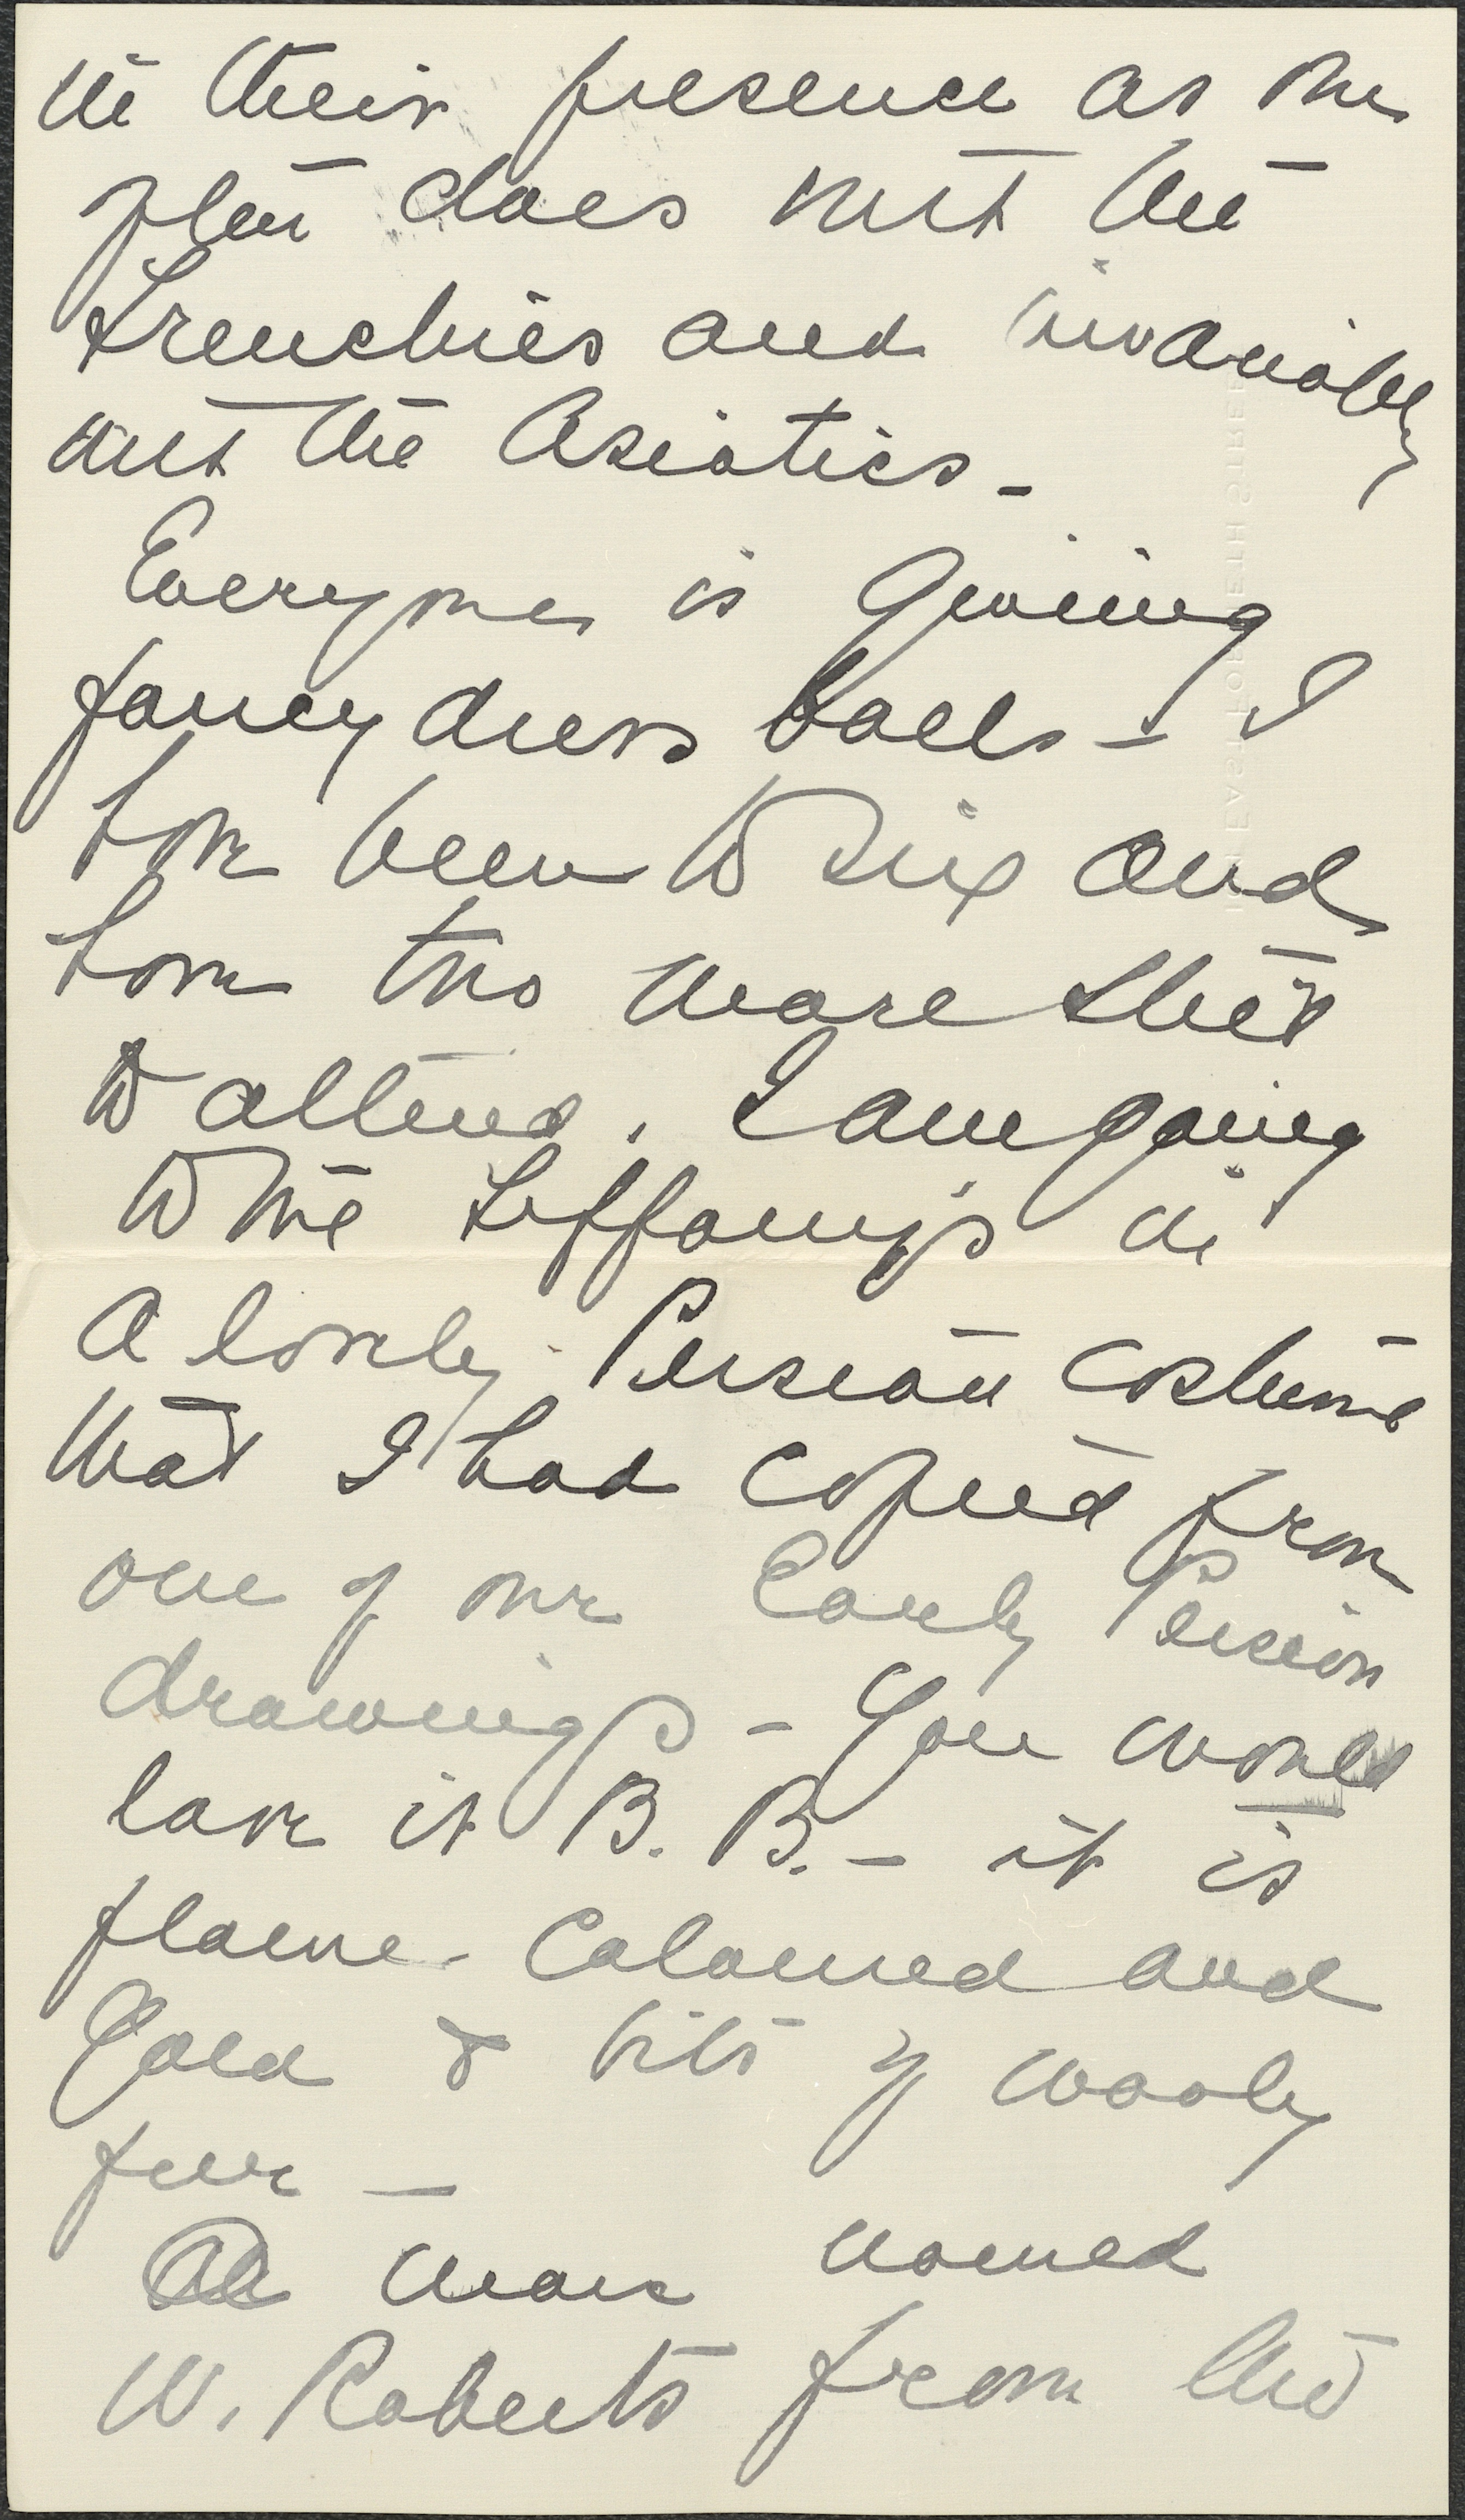in their presence as one often does with the Frenchies and invariably with the Asiatics –
Everyone is giving fancy dress balls – I have been to six and have two more still to attend. I am going to the Tiffany’s in a lovely Persian costume that I had copied from one of our early Persian drawings – you would love it B. B. – it is plaine-coloured and gold & bits of wooly fur
A man named W. Roberts from the